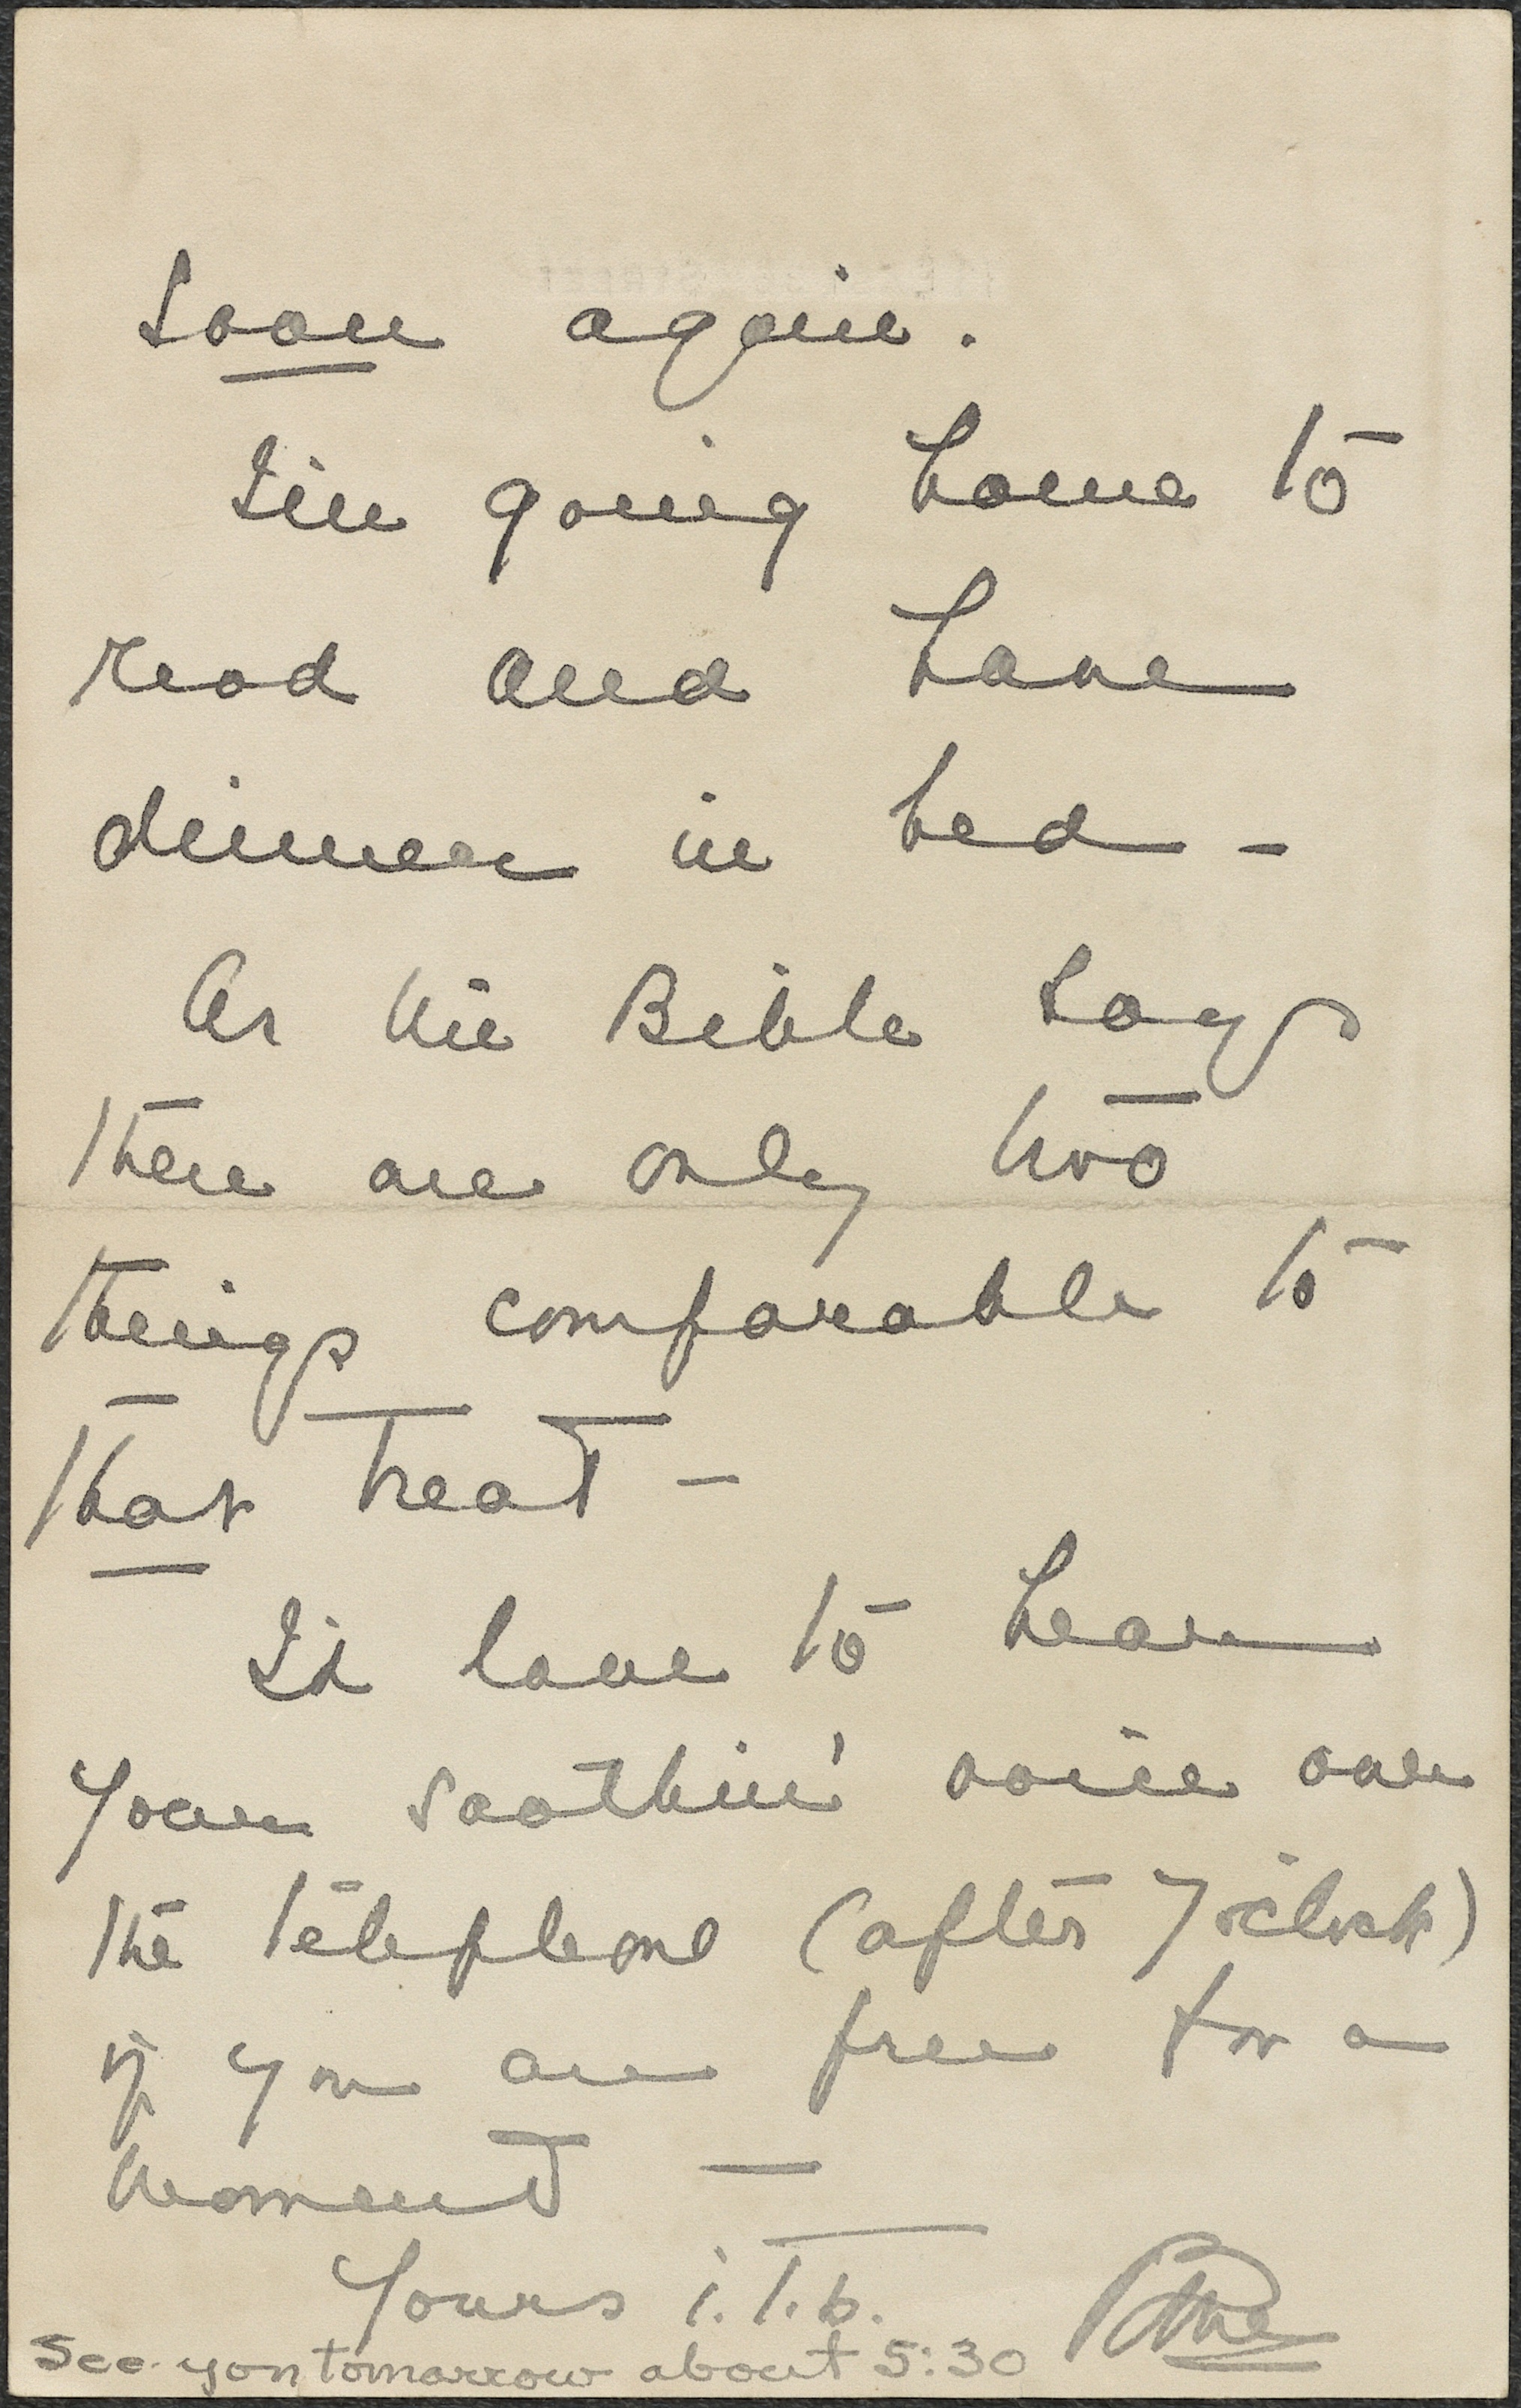soon again.
I'm going home to read and have dinner in bed –
As the Bible says there are only two things comparable to that treat –
I'd love to hear your soothin' voice over the telephone (after 7 o'clock) if you are free for a moment –
Yours i.t.b.
Belle
[In the same different hand as top: See you tomorrow about 5:30]